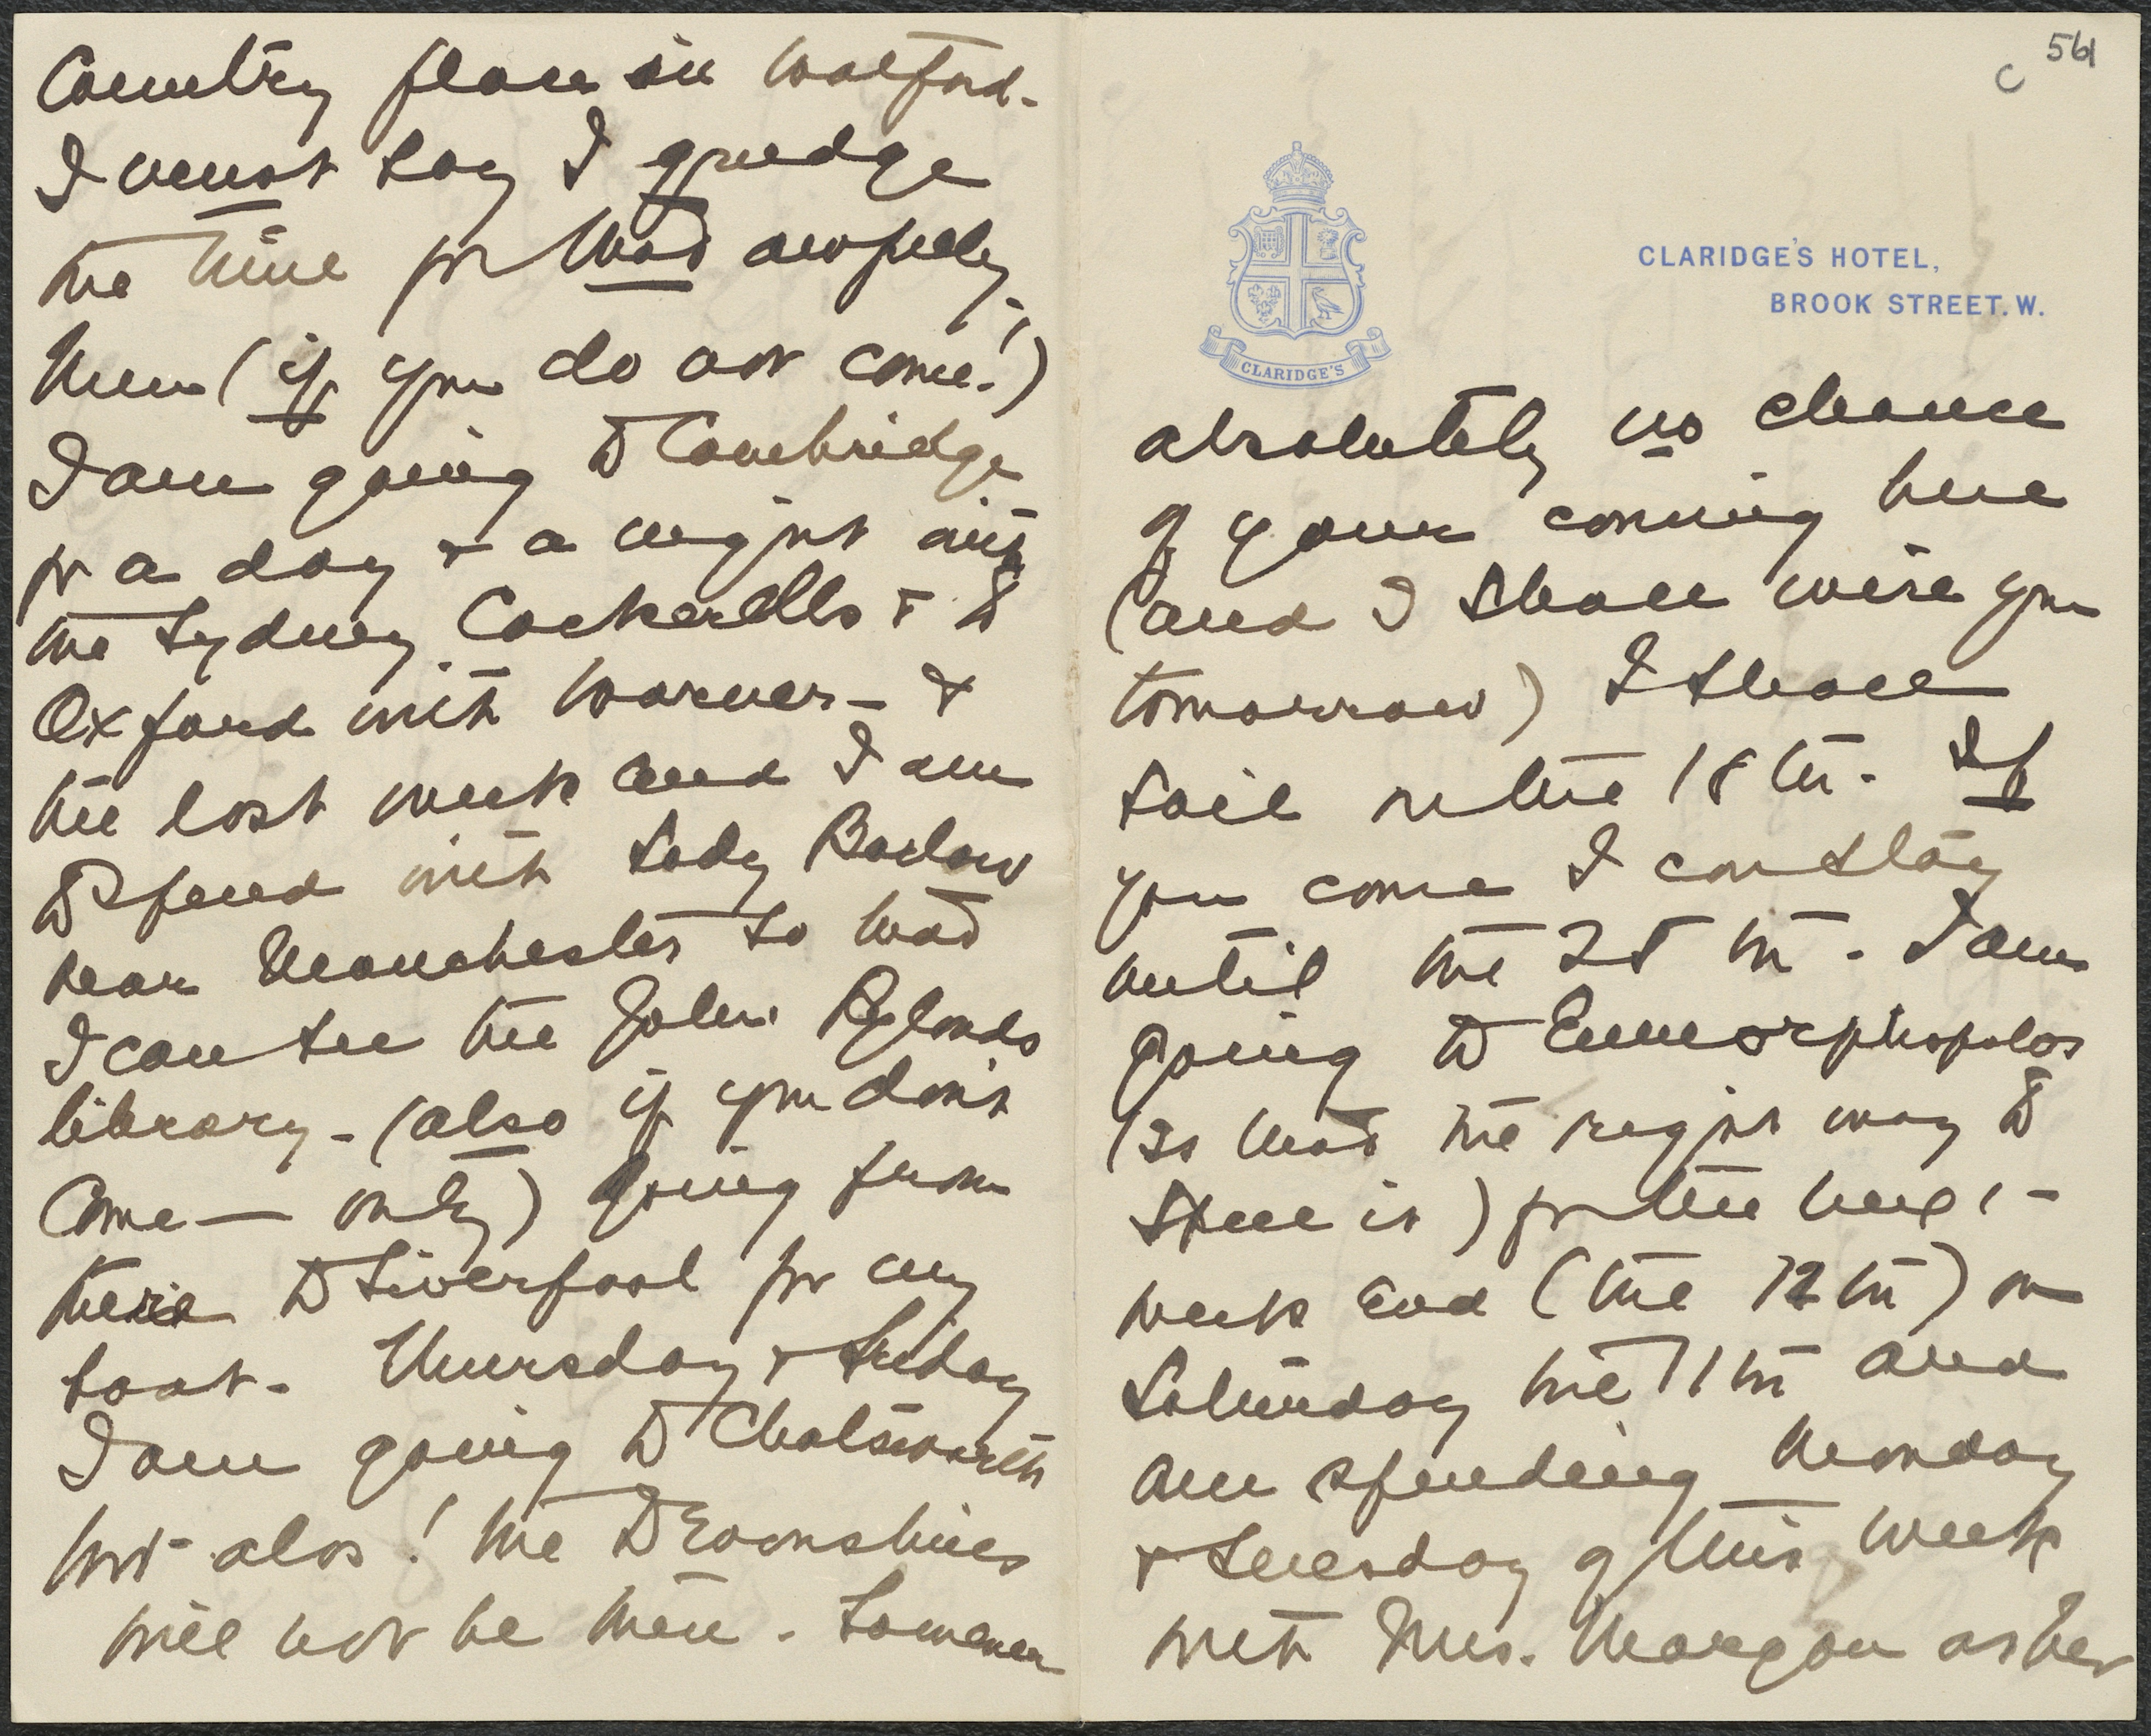absolutely no chance of your coming here (and I shall wire you tomorrow) I shall sail on the 18th. If you come I can stay until the 25th. I am going to Eumorphopolos (is that the right way to spell it) for the next week end (the 12th) on Saturday the 11th and am spending Monday & Tuesday of this week with Mrs. Morgan at her
country place in Watford. I must say I grudge the time for that awfully then (if you do not come!) I am going to Cambridge for a day & a night with the Sydney Cockerells & to Oxford with Warner – & the last week end I am to spend with Lady Barlow near Manchester so that I can see the John Rylands library – (also if you don’t come – only) going from there to Liverpool for my boat – Thursday & Friday I am going to Chatsworth but alas! the Devonshires will not be there – however